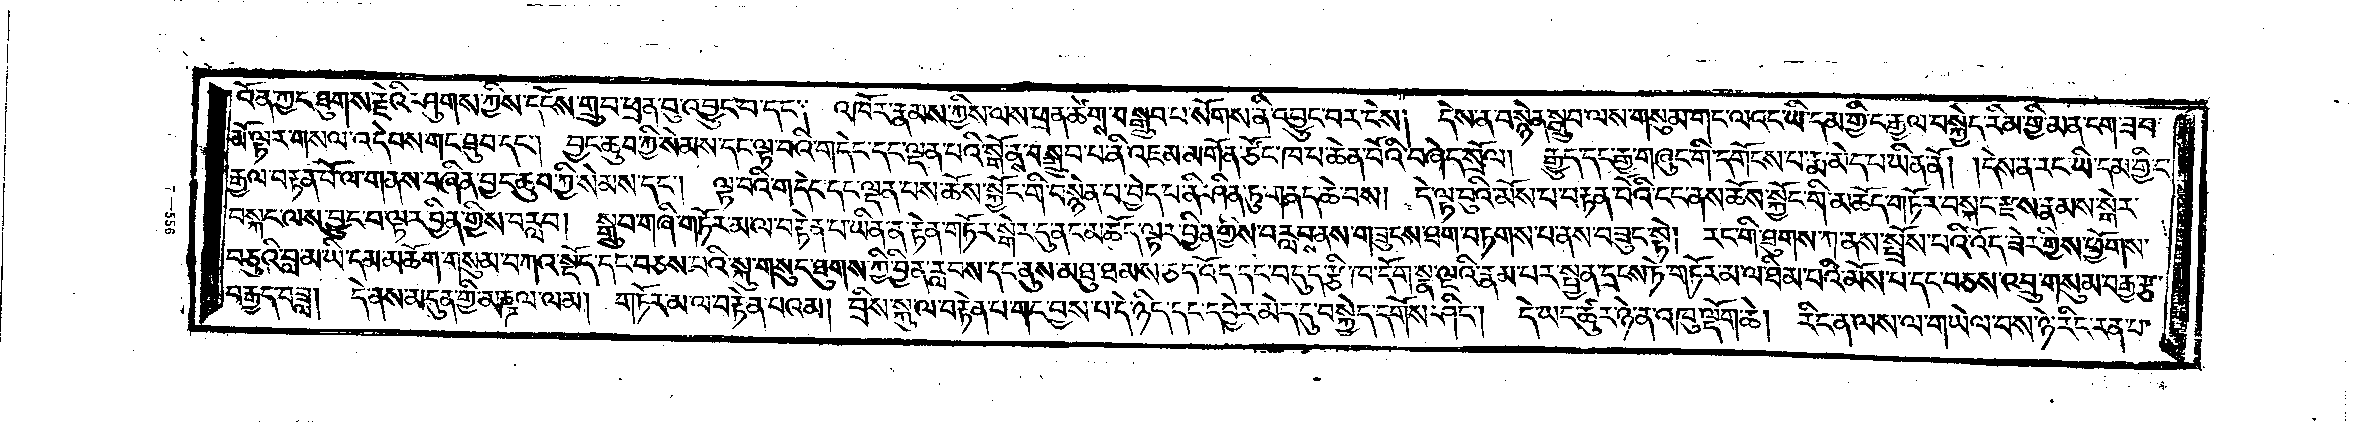པོན་ཀྱང་ཐུགས་རྗེའི་ཤུགས་ཀྱིས་དངོས་གྲུབ་ཕྲན་བུ་འབྱུང་བ་དང་། འཁོར་རྣམས་ཀྱིས་ལས་ཕྲན་ཚེགས་བསྒྲུབ་པ་སོགས་ནི་འབྱུང་བར་ངེས། དེས་ནས་བསྙེན་སྒྲུབ་ལས་གསུམ་གང་ལའང་ཡི་དམ་གྱི་ང་རྒྱལ་བསྐྱེད་རིམ་གྱི་མན་ངག་ཟབ་
མོ་ལྟར་གསལ་འདེབས་གང་ཐུབ་དང་། བྱང་ཆུབ་ཀྱི་སེམས་དང་ལྟ་བའི་གདེང་དང་ལྡན་པའི་སྒོ་ནས་བསྒྲུབ་པ་ནི་འཇམ་མགོན་ཙོང་ཁ་པ་ཆེན་པོའི་བཞེད་སྲོལ། རྒྱུད་དང་རྒྱ་གཞུང་གི་དགོངས་པ་རྨ་མེད་པ་ཡིན་ནོ། །དེས་ན་རང་ཡི་དམ་གྱི་ང་
རྒྱལ་བརྟེན་པོ་ལ་གནས་བཞིན་བྱང་ཆུབ་ཀྱི་སེམས་དང་། ལྟ་བའི་གདེང་དང་ལྡན་པས་ཆོས་སྐྱོང་གི་བསྙེན་པ་བྱེད་པ་ནི་ཤིན་ཏུ་གནད་ཆེ་བས། དེ་ལྟ་བུའི་མོས་པ་བརྟེན་པོའི་ངག་ནས་ཆོས་སྐྱོང་གི་མཆོད་གཏོར་བསྐང་རྫས་རྣམས་སྐེར་
བསྐང་ལས་བྱུང་པ་ལྟར་བྱིན་གྱིས་བརླབ། སྒྲུབ་གཞི་གཏོར་མ་ལ་བརྟེན་པ་ཡིན་ན་རྟེན་གཏོར་སྒེར་དུ་ནང་མཆོད་ལྟར་བྱིན་གྱིས་བརླབས་ནས་གཟུངས་ཐག་བཏགས་པ་ནས་བཟུང་སྟེ། རང་གི་ཐུགས་ཀ་ནས་སྤྲོས་པའི་འོད་ཟེར་གྱིས་ཕྱོགས་
བཅུའི་བླ་མ་ཡི་དམ་མཆོག་གསུམ་བཀའ་སྡོད་དང་བཅས་པའི་སྐུ་གསུང་ཐུགས་ཀྱི་བྱིན་རླབས་དང་ནུས་མཐུ་ཐམས་ཅད་འོད་དང་བདུད་རྩི་ཁ་དོག་སྣ་ལྔའི་རྣམ་པར་སྦྱན་དྲངས་ཏེ་གཏོར་མ་ལ་ཐིམ་པའི་མོས་པ་དང་བཅས་འབྲུ་གསུམ་བརྒྱ་རྩ་
བརྒྱད་བཟླ། དེ་ནས་མདུན་གྱི་མཎྜལ་ལམ། གཏོར་མ་ལ་བརྟེན་པའམ། བྲིས་སྐུ་ལ་བརྟེན་བ་གང་བྱས་པ་དེ་ཉིད་དང་དབྱེར་མེད་དུ་བསྐྱེད་དགོས་ཤིང་། དེ་ཡང་ཚུར་ཉེ་ན་འཁུ་ལྡོག་ཆེ། རིང་ན་ལས་ལ་གཡེལ་བས་ཉེ་རིང་རན་པ་